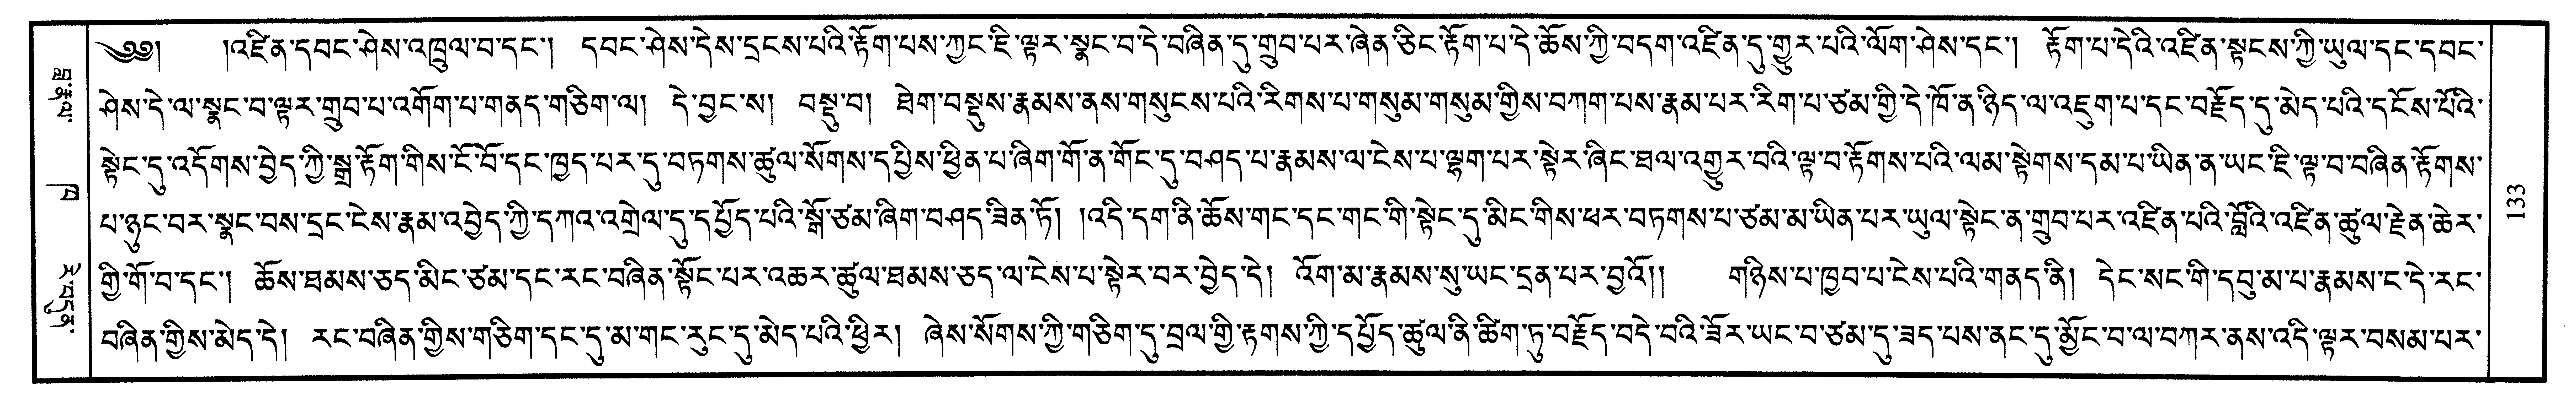༄༅། །འཛིན་དབང་ཤེས་འཁྲུལ་བ་དང་། དབང་ཤེས་དེས་དྲངས་པའི་རྟོག་པས་ཀྱང་ཇི་ལྟར་སྣང་བ་དེ་བཞིན་དུ་གྲུབ་པར་ཞེན་ཅིང་རྟོག་པ་དེ་ཆོས་ཀྱི་བདག་འཛིན་དུ་གྱུར་པའི་ལོག་ཤེས་དང་། རྟོག་པ་དེའི་འཛིན་སྟངས་ཀྱི་ཡུལ་དང་དབང་
ཤེས་དེ་ལ་སྣང་བ་ལྟར་གྲུབ་པ་འགོག་པ་གནད་གཅིག་ལ། དེ་བྱང་ས། བསྡུ་བ། ཐེག་བསྡུས་རྣམས་ནས་གསུངས་པའི་རིགས་པ་གསུམ་གསུམ་གྱིས་བཀག་པས་རྣམ་པར་རིག་པ་ཙམ་གྱི་དེ་ཁོ་ན་ཉིད་ལ་འཇུག་པ་དང་བརྗོད་དུ་མེད་པའི་དངོས་པོའི་
སྟེང་དུ་འདོགས་བྱེད་ཀྱི་སྒྲ་རྟོག་གིས་ངོ་བོ་དང་ཁྱད་པར་དུ་བཏགས་ཚུལ་སོགས་དཔྱིས་ཕྱིན་པ་ཞིག་གོ་ན་གོང་དུ་བཤད་པ་རྣམས་ལ་ངེས་པ་ལྷག་པར་སྟེར་ཞིང་ཐལ་འགྱུར་བའི་ལྟ་བ་རྟོགས་པའི་ལམ་སྟེགས་དམ་པ་ཡིན་ན་ཡང་ཇི་ལྟ་བ་བཞིན་རྟོགས་
པ་ཉུང་བར་སྣང་བས་དྲང་ངེས་རྣམ་འབྱེད་ཀྱི་དཀའ་འགྲེལ་དུ་དཔྱོད་པའི་སྒོ་ཙམ་ཞིག་བཤད་ཟིན་ཏོ། །འདི་དག་ནི་ཆོས་གང་དང་གང་གི་སྟེང་དུ་མིང་གིས་ཕར་བཏགས་པ་ཙམ་མ་ཡིན་པར་ཡུལ་སྟེང་ན་གྲུབ་པར་འཛིན་པའི་བློའི་འཛིན་ཚུལ་རྗེ་ཆེར་
གྱི་གོ་བ་དང་། ཆོས་ཐམས་ཅད་མིང་ཙམ་དང་རང་བཞིན་སྟོང་པར་འཆར་ཚུལ་ཐམས་ཅད་ལ་ངེས་པ་སྟེར་བར་བྱེད་དེ། འོག་མ་རྣམས་སུ་ཡང་དྲན་པར་བྱའོ།། གཉིས་པ་ཁྱབ་པ་ངེས་པའི་གནད་ནི། དེང་སང་གི་དབུ་མ་པ་རྣམས་ང་དེ་རང་
བཞིན་གྱིས་མེད་དེ། རང་བཞིན་གྱིས་གཅིག་དང་དུ་མ་གང་རུང་དུ་མེད་པའི་ཕྱིར། ཞེས་སོགས་ཀྱི་གཅིག་དུ་བྲལ་གྱི་རྟགས་ཀྱི་དཔྱོད་ཚུལ་ནི་ཚིག་ཏུ་བརྗོད་བདེ་བའི་ཟོར་ཡང་བ་ཙམ་དུ་ཟད་པས་ནང་དུ་མྱོང་བ་ལ་བཀར་ནས་འདི་ལྟར་བསམ་པར་